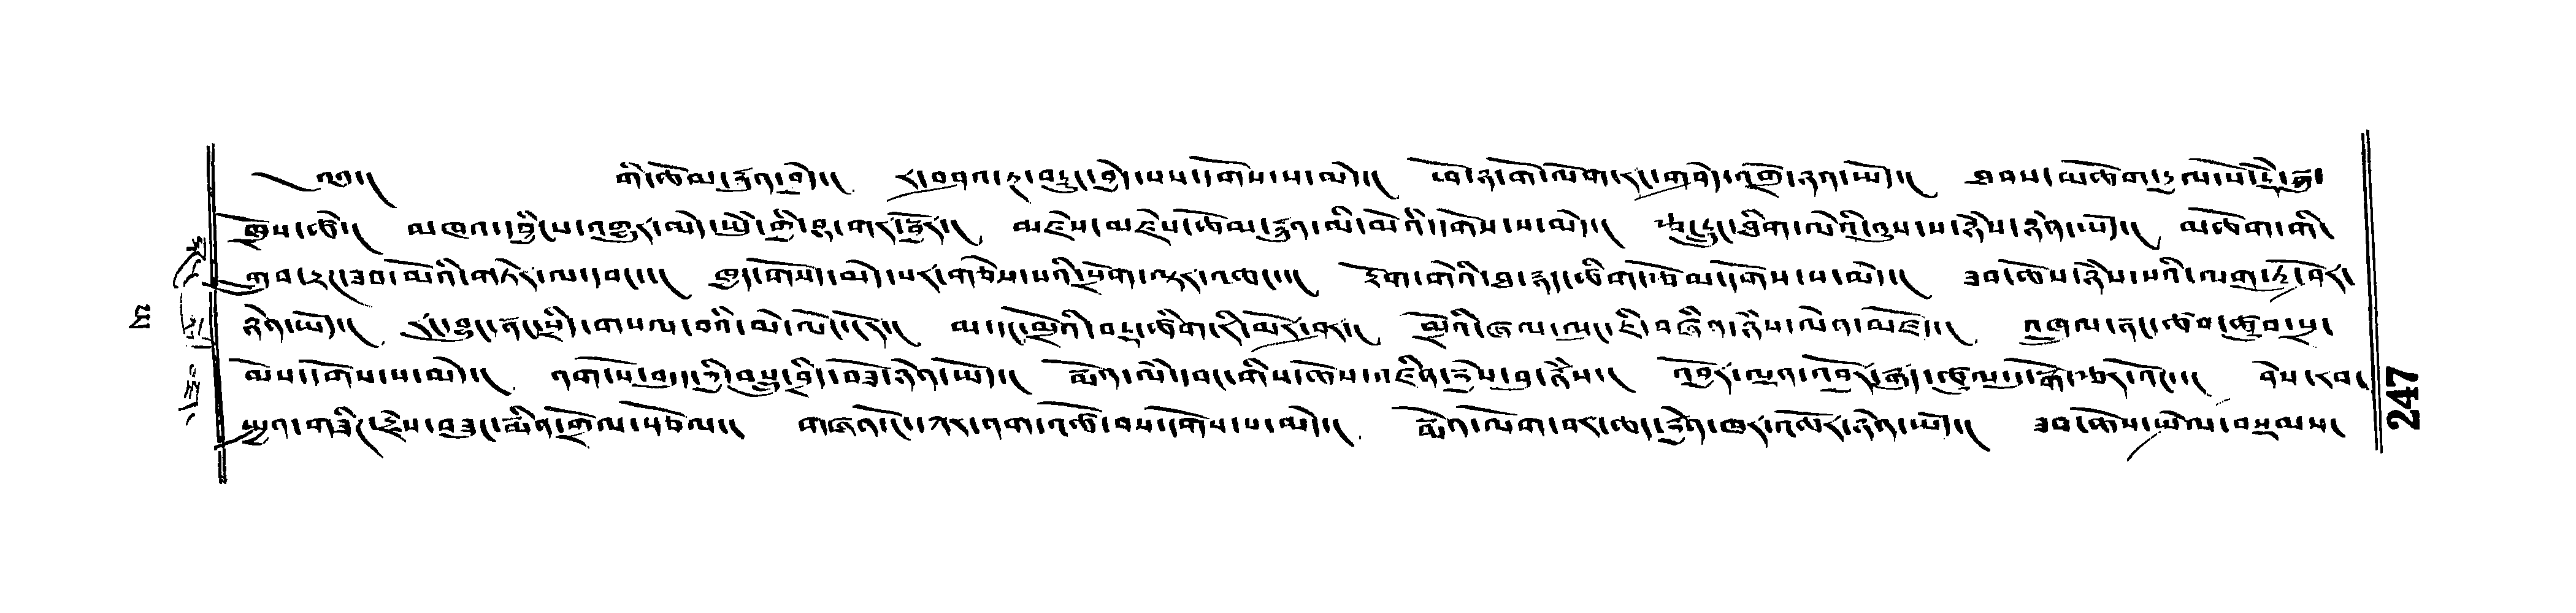གི་ཆོམ་རྐུན་བྱེད། །ར་བཤའ་རྔ་བརྡུང་བྱེད་པའི་དགོས་པ་མེད། །ཕོ་ཉ་གོ་ལོག་རང་གཤེད་འགྲོ་ཉན་ཡོད། །ཐབས་མཆོག་རྒྱལ་པོ་རྡོ་རྗེ་སྐུ་
ཁྲོས་ཚེ། །མཁའ་དབྱིངས་འགྱུར་མེད་ཡུམ་གྱི་བྷ་གར་སྦྱོར། །མཛེས་མཛེས་ཆོམ་རྐུན་མི་མོའི་དགོས་པ་མེད། །རྩ་རླུང་ཐིག་ལེའི་ནུས་པ་ཉམས་ཉེན་ཡོད། །མཆོག་གི་
གྲུབ་རྟགས་ཟབ་མོའི་གཏེར་ལ་དབང་། ཁྱད་གསོད་མེད་པར་གཅེས་པའི་སྲོག་ལྟར་འཆང་། །རྟོག་གེའི་ཐ་སྙད་ཚིག་རྩོམ་དགོས་པ་མེད། །ཟབ་ཆོས་ཉམས་པའི་ལག་ཏུ་ཤོར་
ཉེན་ཡོད། །རང་བྱུང་སྣང་སྲིད་གསལ་བའི་མེ་ལོང་ངོར། །མ་དང་མཁའ་འགྲོའི་བརྡ་ཚིག་རི་མོར་ཤར། །མཁའ་འགྲོའི་ཞལ་ལུང་ཇི་བཞིན་ཉམས་ལེན་མཛོད། །འཁྲུལ་སྣང་ཚབ་ཚུབ་པྲ་
མོའི་དགོས་པ་མེད། །ནག་པོ་བདུད་ཀྱི་བསླུ་བྲིད་བཟོ་ཉེན་ཡོད། །སྨོན་ལམ་དབང་གིས་ཆོས་འཛིན་སྐྱེས་བུ་རྣམས། །འབྱོར་ལྡན་འབྱོར་རྒུད་ཚུལ་དུ་སྒོ་རྩར་འོང་། །ཤེས་རབ་
སྤྱན་གཟིགས་རྗེས་བཟུང་སྨིན་གྲོལ་སྩོལ། །གཞན་ངོ་དཀར་ནག་འཚོ་བས་དགོས་པ་མེད། །སྨོན་ལོག་བར་ཆད་རྐྱེན་ཁར་འཆོར་ཉེན་ཡོད། །ཟབ་ཆོས་སྤེལ་བསྡམས་